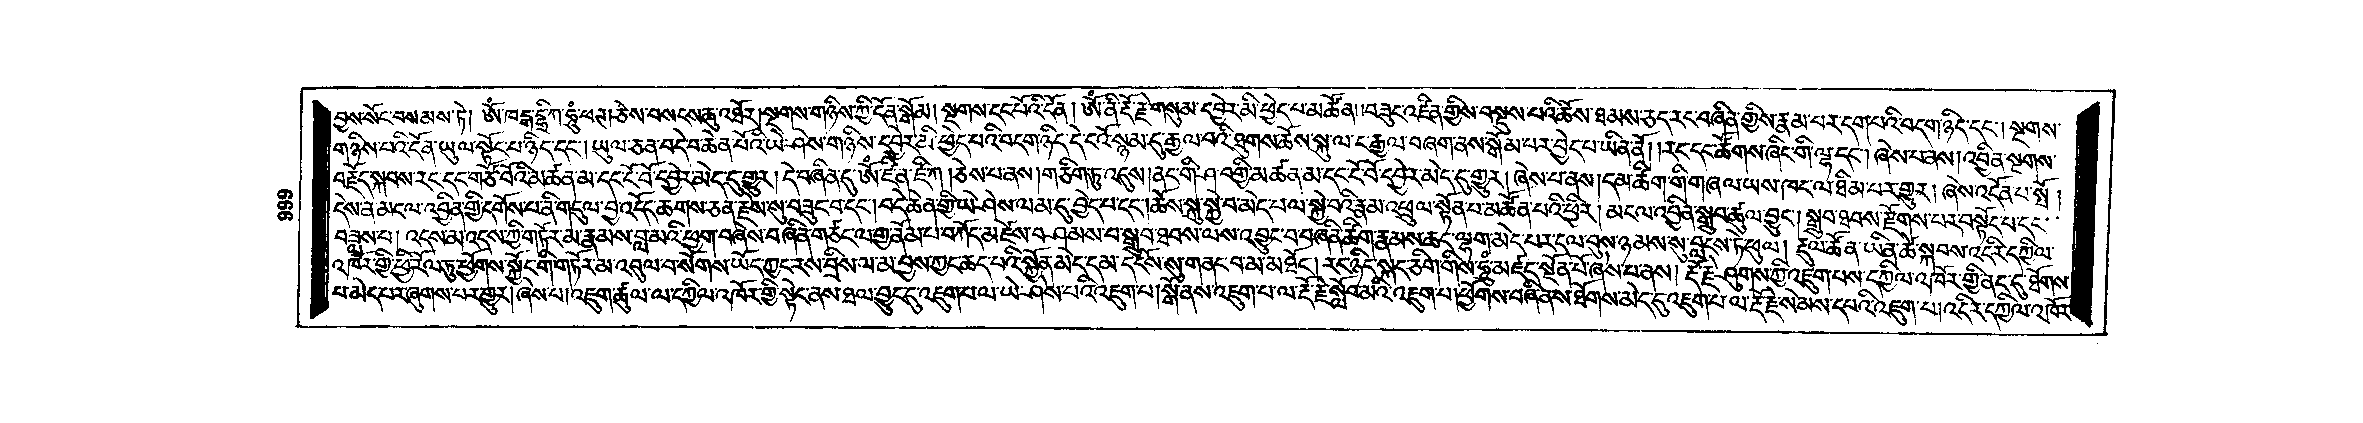བྱས་སོང་བསམས་ཏེ། ཨོཾ་ཁངྒ་དྷྲི་ཀ་ཧཱུཾ་ཕཊ། ཅེས་བསངས་ཆུ་འཐོར། སྔགས་གཉིས་ཀྱི་དོན་སྒོམ། སྔགས་དང་པོའི་དོན། ཨོཾ་ནི་རྡོ་རྗེ་གསུམ་དབྱེར་མི་ཕྱེད་པ་མཚོན། །བཟུང་འཛིན་གྱིས་བསྡུས་པའི་ཆོས་ཐམས་ཅད་རང་བཞིན་གྱིས་རྣམ་པར་དག་པའི་བདག་ཉིད་དང་། སྔགས་
གཉིས་པའི་དོན་ཡུལ་སྟོང་པ་ཉིད་དང་། ཡུལ་ཅན་བདེ་བ་ཆེན་པོའི་ཡེ་ཤེས་གཉིས་དབྱེར་མི་ཕྱེད་པའི་བདག་ཉིད་དེ་ངའོ་སྙམ་དུ་རྒྱལ་བའི་ཐུགས་ཆོས་སྐུ་ལ་ང་རྒྱལ་བཞག་ནས་སྒོམ་པར་བྱེད་པ་ཡིན་ནོ། །རང་དང་ཚོགས་ཞིང་གི་ལྷ་དང་། ཞེས་པ་ནས། འབྱིན་སྔགས་
བརྗོད་སྐབས་རང་དང་གཙོ་བོའི་མཚན་མ་དང་ངོ་བོ་དབྱེར་མེད་དུ་གྱུར། དེ་བཞིན་དུ་ཨོཾ་ཛི་ན་ཛི་ཀ། ཅེས་པ་ནས། གཅིག་ཏུ་འདུས། ནང་གི་ཤ་བགྱི་མཚན་མ་དང་ངོ་བོ་དབྱེར་མེད་དུ་གྱུར། ཞེས་པ་ནས། དམ་ཚིག་གི་གཞལ་ཡས་ཁང་ལ་ཐིམ་པར་གྱུར། ཞེས་འདོན་པ་སྤོ།
དེས་ན་མངལ་འབྱིན་གྱི་དགོས་པ་ནི་གདུལ་བྱ་འདོད་ཆགས་ཅན་རྗེས་སུ་བཟུང་བ་དང་། བདེ་ཆེན་གྱི་ཡེ་ཤེས་ལམ་དུ་བྱེད་པ་དང་། ཆོས་སྐུ་སྐྱེ་བ་མེད་པ་ལ་སྐྱེ་བའི་རྣམ་འཕྲུལ་སྟོན་པ་མཚོན་པའི་ཕྱིར། མངལ་འབྱིན་སྒྲུབ་ཚུལ་བྱུང་། སྒྲུབ་ཐབས་རྫོགས་པར་བསྟོད་པ་དང་
བཟླས་པ། འདས་མ་འདས་ཀྱི་གཏོར་མ་རྣམས་བླ་མའི་ཕྱག་བཞེས་བཞིན་གཙང་ལ་གྱ་ནོམ་པ་བཀོད་མཛེས་བཤམས་པ་སྒྲུབ་ཐབས་ལས་འབྱུང་བ་བཞིན་ཚིག་རྣམས་ཆད་ལྷག་མེད་པར་དལ་བུས་ཉམས་སུ་བླངས་ཏེ་ཕུལ། རྡུལ་ཚོན་ཡིན་ཚེ་སྐབས་འདིར་དཀྱིལ་
འཁོར་གྱི་ཕྱི་རོལ་ཏུ་ཕྱོགས་སྐྱོང་གི་གཏོར་མ་འབུལ་བ་སོགས་ཡོད་ཀྱང་རས་བྲིས་ལ་མ་བྱས་ཀྱང་ཆད་པའི་སྐྱོན་མེད་དམ་དངོས་སུ་གནང་བ་མ་མཐོང་། རང་ཉིད་སྐད་ཅིག་གིས་ཧཱུཾ་མཛད་སྔོན་པོ་ཞེས་པ་ནས། རྡོ་རྗེ་ཤུགས་ཀྱི་འཇུག་པས་དཀྱིལ་འཁོར་གྱི་ནང་དུ་ཐོགས་
པ་མེད་པར་ཞུགས་པར་གྱུར། ཞེས་པ། འཇུག་ཚུལ་ལ་དཀྱིལ་འཁོར་གྱི་སྟེང་ནས་ཐལ་བྱུང་དུ་འཇུག་པ་ལ་ཡེ་ཤེས་པའི་འཇུག་པ། སྒོ་ནས་འཇུག་པ་ལ་རྡོ་རྗེ་སློབ་མའི་འཇུག་པ། ཕྱོགས་བཞི་ནས་ཐོགས་མེད་དུ་འཇུག་པ་ལ་རྡོ་རྗེ་སེམས་དཔའི་འཇུག་པ། འདིར་དཀྱིལ་འཁོར་